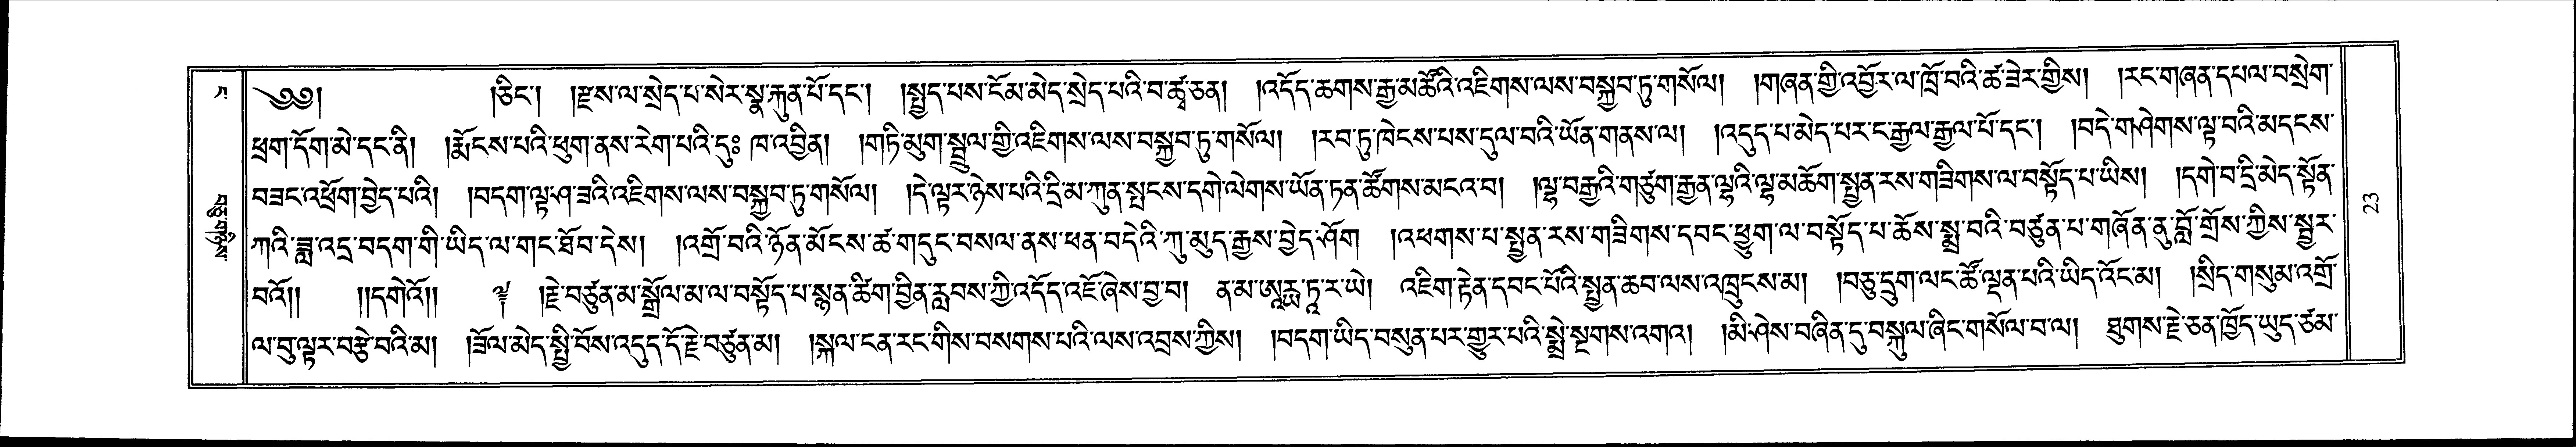༄༅། །ཅིང་། །རྫས་ལ་སྲེད་པ་སེར་སྣ་རྐུན་པོ་དང་། །སྤྱད་པས་ངོམ་མེད་སྲེད་པའི་བ་ཚྭ་ཅན། །འདོད་ཆགས་རྒྱ་མཚོའི་འཇིགས་ལས་བསྐྱབ་ཏུ་གསོལ། །གཞན་གྱི་འབྱོར་ལ་ཁྲོ་བའི་ཚ་ཟེར་གྱིས། །རང་གཞན་དཔལ་བསྲེག་
ཕྲག་དོག་མེ་དང་ནི། །རྨོངས་པའི་ཕུག་ནས་རེག་པའི་དུཿ ཁ་འབྱིན། །གཏི་མུག་སྦྲུལ་གྱི་འཇིགས་ལས་བསྐྱབ་ཏུ་གསོལ། །རབ་ཏུ་ཁེངས་པས་དུལ་བའི་ཡོན་གནས་ལ། །འདུད་པ་མེད་པར་ང་རྒྱལ་རྒྱལ་པོ་དང་། །བདེ་གཤེགས་ལྟ་བའི་མདངས་
བཟང་འཕྲོག་བྱེད་པའི། །བདག་ལྟ་ཤ་ཟའི་འཇིགས་ལས་བསྐྱབ་ཏུ་གསོལ། །དེ་ལྟར་ཉེས་པའི་དྲི་མ་ཀུན་སྤངས་དགེ་ལེགས་ཡོན་ཏན་ཚོགས་མངའ་བ། །ལྷ་བརྒྱའི་གཙུག་རྒྱན་ལྷའི་ལྷ་མཆོག་སྤྱན་རས་གཟིགས་ལ་བསྟོད་པ་ཡིས། །དགེ་བ་དྲི་མེད་སྟོན་
ཀའི་ཟླ་འདྲ་བདག་གི་ཡིད་ལ་གང་ཐོབ་དེས། །འགྲོ་བའི་ཉོན་མོངས་ཚ་གདུང་བསལ་ནས་ཕན་བདེའི་ཀུ་མུད་རྒྱས་བྱེད་ཤོག །འཕགས་པ་སྤྱན་རས་གཟིགས་དབང་ཕྱུག་ལ་བསྟོད་པ་ཆོས་སྨྲ་བའི་བཙུན་པ་གཞོན་ནུ་བློ་གྲོས་ཀྱིས་སྦྱར་
བའོ།། །།དགེའོ།། ༈ །རྗེ་བཙུན་མ་སྒྲོལ་མ་ལ་བསྟོད་པ་སྙན་ཚིག་བྱིན་རླབས་ཀྱི་འདོད་འཇོ་ཞེས་བྱ་བ། ན་མ་ཨཱརྱ་ཏཱ་ར་ཡེ། འཇིག་རྟེན་དབང་པོའི་སྤྱན་ཆབ་ལས་འཁྲུངས་མ། །བཅུ་དྲུག་ལང་ཚོ་ལྡན་པའི་ཡིད་འོང་མ། །སྲིད་གསུམ་འགྲོ་
ལ་བུ་ལྟར་བརྩེ་བའི་མ། །ཟོལ་མེད་སྤྱི་བོས་འདུད་དོ་རྗེ་བཙུན་མ། །སྐལ་ངན་རང་གིས་བསགས་པའི་ལས་འབྲས་ཀྱིས། །བདག་ཡིད་བསུན་པར་གྱུར་པའི་སྨྲེ་སྔགས་འགའ། །མི་ཤེས་བཞིན་དུ་བསྐུལ་ཞིང་གསོལ་བ་ལ། ཐུགས་རྗེ་ཅན་ཁྱོད་ཡུད་ཙམ་